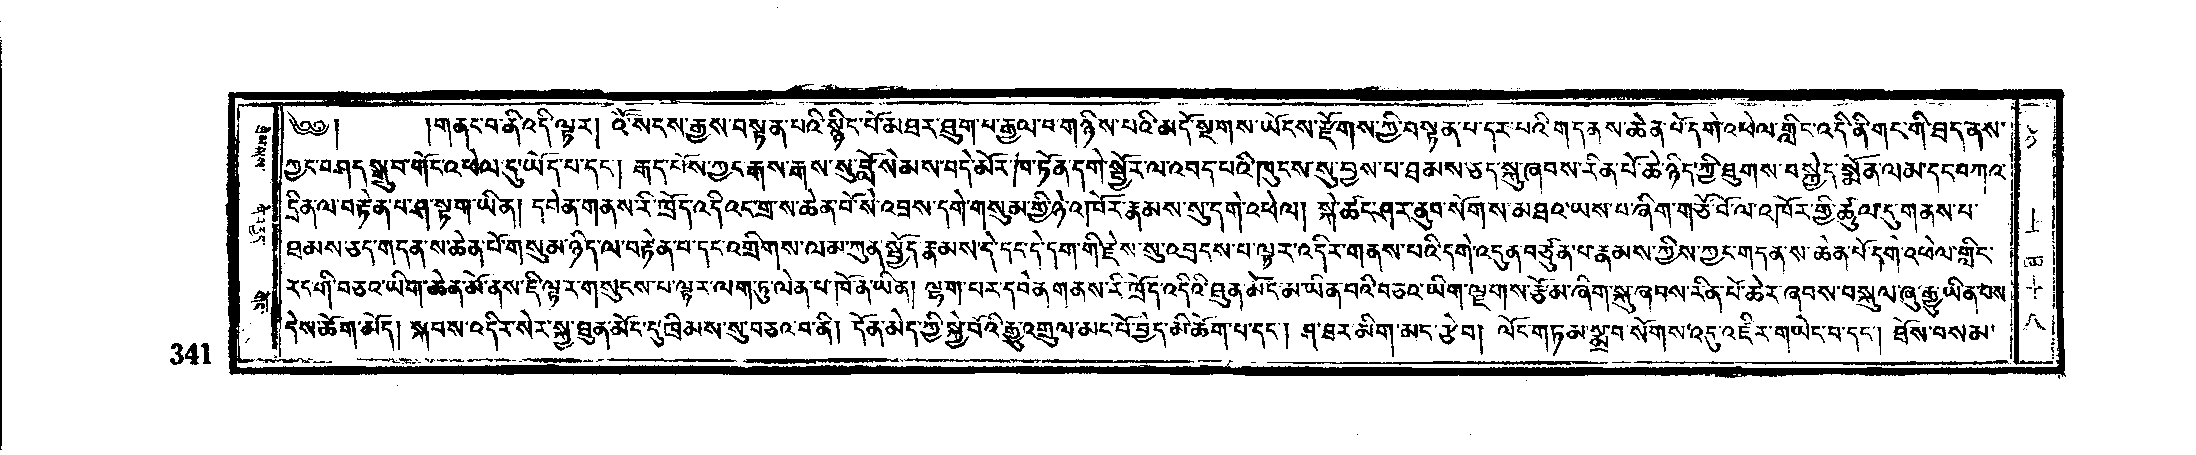༄༅། །གནང་བ་ནི་འདི་ལྟར། འོ་སངས་རྒྱས་བསྟན་པའི་སྙིང་པོ་མཐར་ཐུག་པ་རྒྱལ་བ་གཉིས་པའི་མདོ་སྔགས་ཡོངས་རྫོགས་ཀྱི་བསྟན་པ་དར་པའི་གདན་ས་ཆེན་པོ་དགེ་འཕེལ་གླིང་འདི་ནི་གང་གི་ཐད་ནས་
ཀྱང་བཤད་སྒྲུབ་གོང་འཕེལ་དུ་ཡོད་པ་དང་། རྒད་པོས་ཀྱང་རྒས་རྒས་སུ་བློ་སེམས་བདེ་མོར་ཁ་ཏོན་དགེ་སྦྱོར་ལ་འབད་པའི་ཁུངས་སུ་བྱས་པ་ཐམས་ཅད་སྐུ་ཞབས་རིན་པོ་ཆེ་ཉིད་ཀྱི་ཐུགས་བསྐྱེད་སྨོན་ལམ་དང་བཀའ་
དྲིན་ལ་བརྟེན་པ་ཤ་སྟག་ཡིན། དབེན་གནས་རི་ཁྲོད་འདིའང་གྲ་ས་ཆེན་པོ་སེ་འབྲས་དགེ་གསུམ་གྱི་ཉེ་འཁོར་རྣམས་སུ་དགེ་འཕེལ། སྐེ་ཚང་ཤར་ནུབ་སོགས་མཐའ་ཡས་པ་ཞིག་གཙོ་བོ་ལ་འཁོར་གྱི་ཚུལ་དུ་གནས་པ་
ཐམས་ཅད་གདན་ས་ཆེན་པོ་གསུམ་ཉིད་ལ་བརྟེན་པ་དང་འགྲིགས་ལམ་ཀུན་སྤྱོད་རྣམས་དེ་དང་དེ་དག་གི་རྗེས་སུ་འབྲངས་པ་ལྟར་འདིར་གནས་པའི་དགེ་འདུན་བཙུན་པ་རྣམས་ཀྱིས་ཀྱང་གདན་ས་ཆེན་པོ་དགེ་འཕེལ་གླིང་
རང་གི་བཅའ་ཡིག་ཆེན་མོ་ནས་ཇི་ལྟར་གསུངས་པ་ལྟར་ལག་ཏུ་ལེན་པ་ཁོ་ན་ཡིན། ལྷག་པར་དབེན་གནས་རི་ཁྲོད་འདིའི་ཐུན་མོང་མ་ཡིན་པའི་བཅའ་ཡིག་ལྗགས་རྩོམ་ཞིག་སྐུ་ཞབས་རིན་པོ་ཆེར་ཞབས་བསྐུལ་ཞུ་རྒྱུ་ཡིན་བས་
དེས་ཆོག་མོད། སྐབས་འདིར་སེར་སྐྱ་ཐུན་མོང་དུ་ཁྲིམས་སུ་བཅའ་བ་ནི། དོན་མེད་ཀྱི་སྐྱེ་བོའི་རྒྱུ་འགྲུལ་མང་པོ་བྱེད་མི་ཆོག་པ་དང་། ཤ་ཐར་མིག་མང་རྩེབ?། ལོང་གཏམ་སྨྲ་བ་སོགས་འདུ་འཛིར་གཡེང་བ་དང་། ཐོས་བསམ་